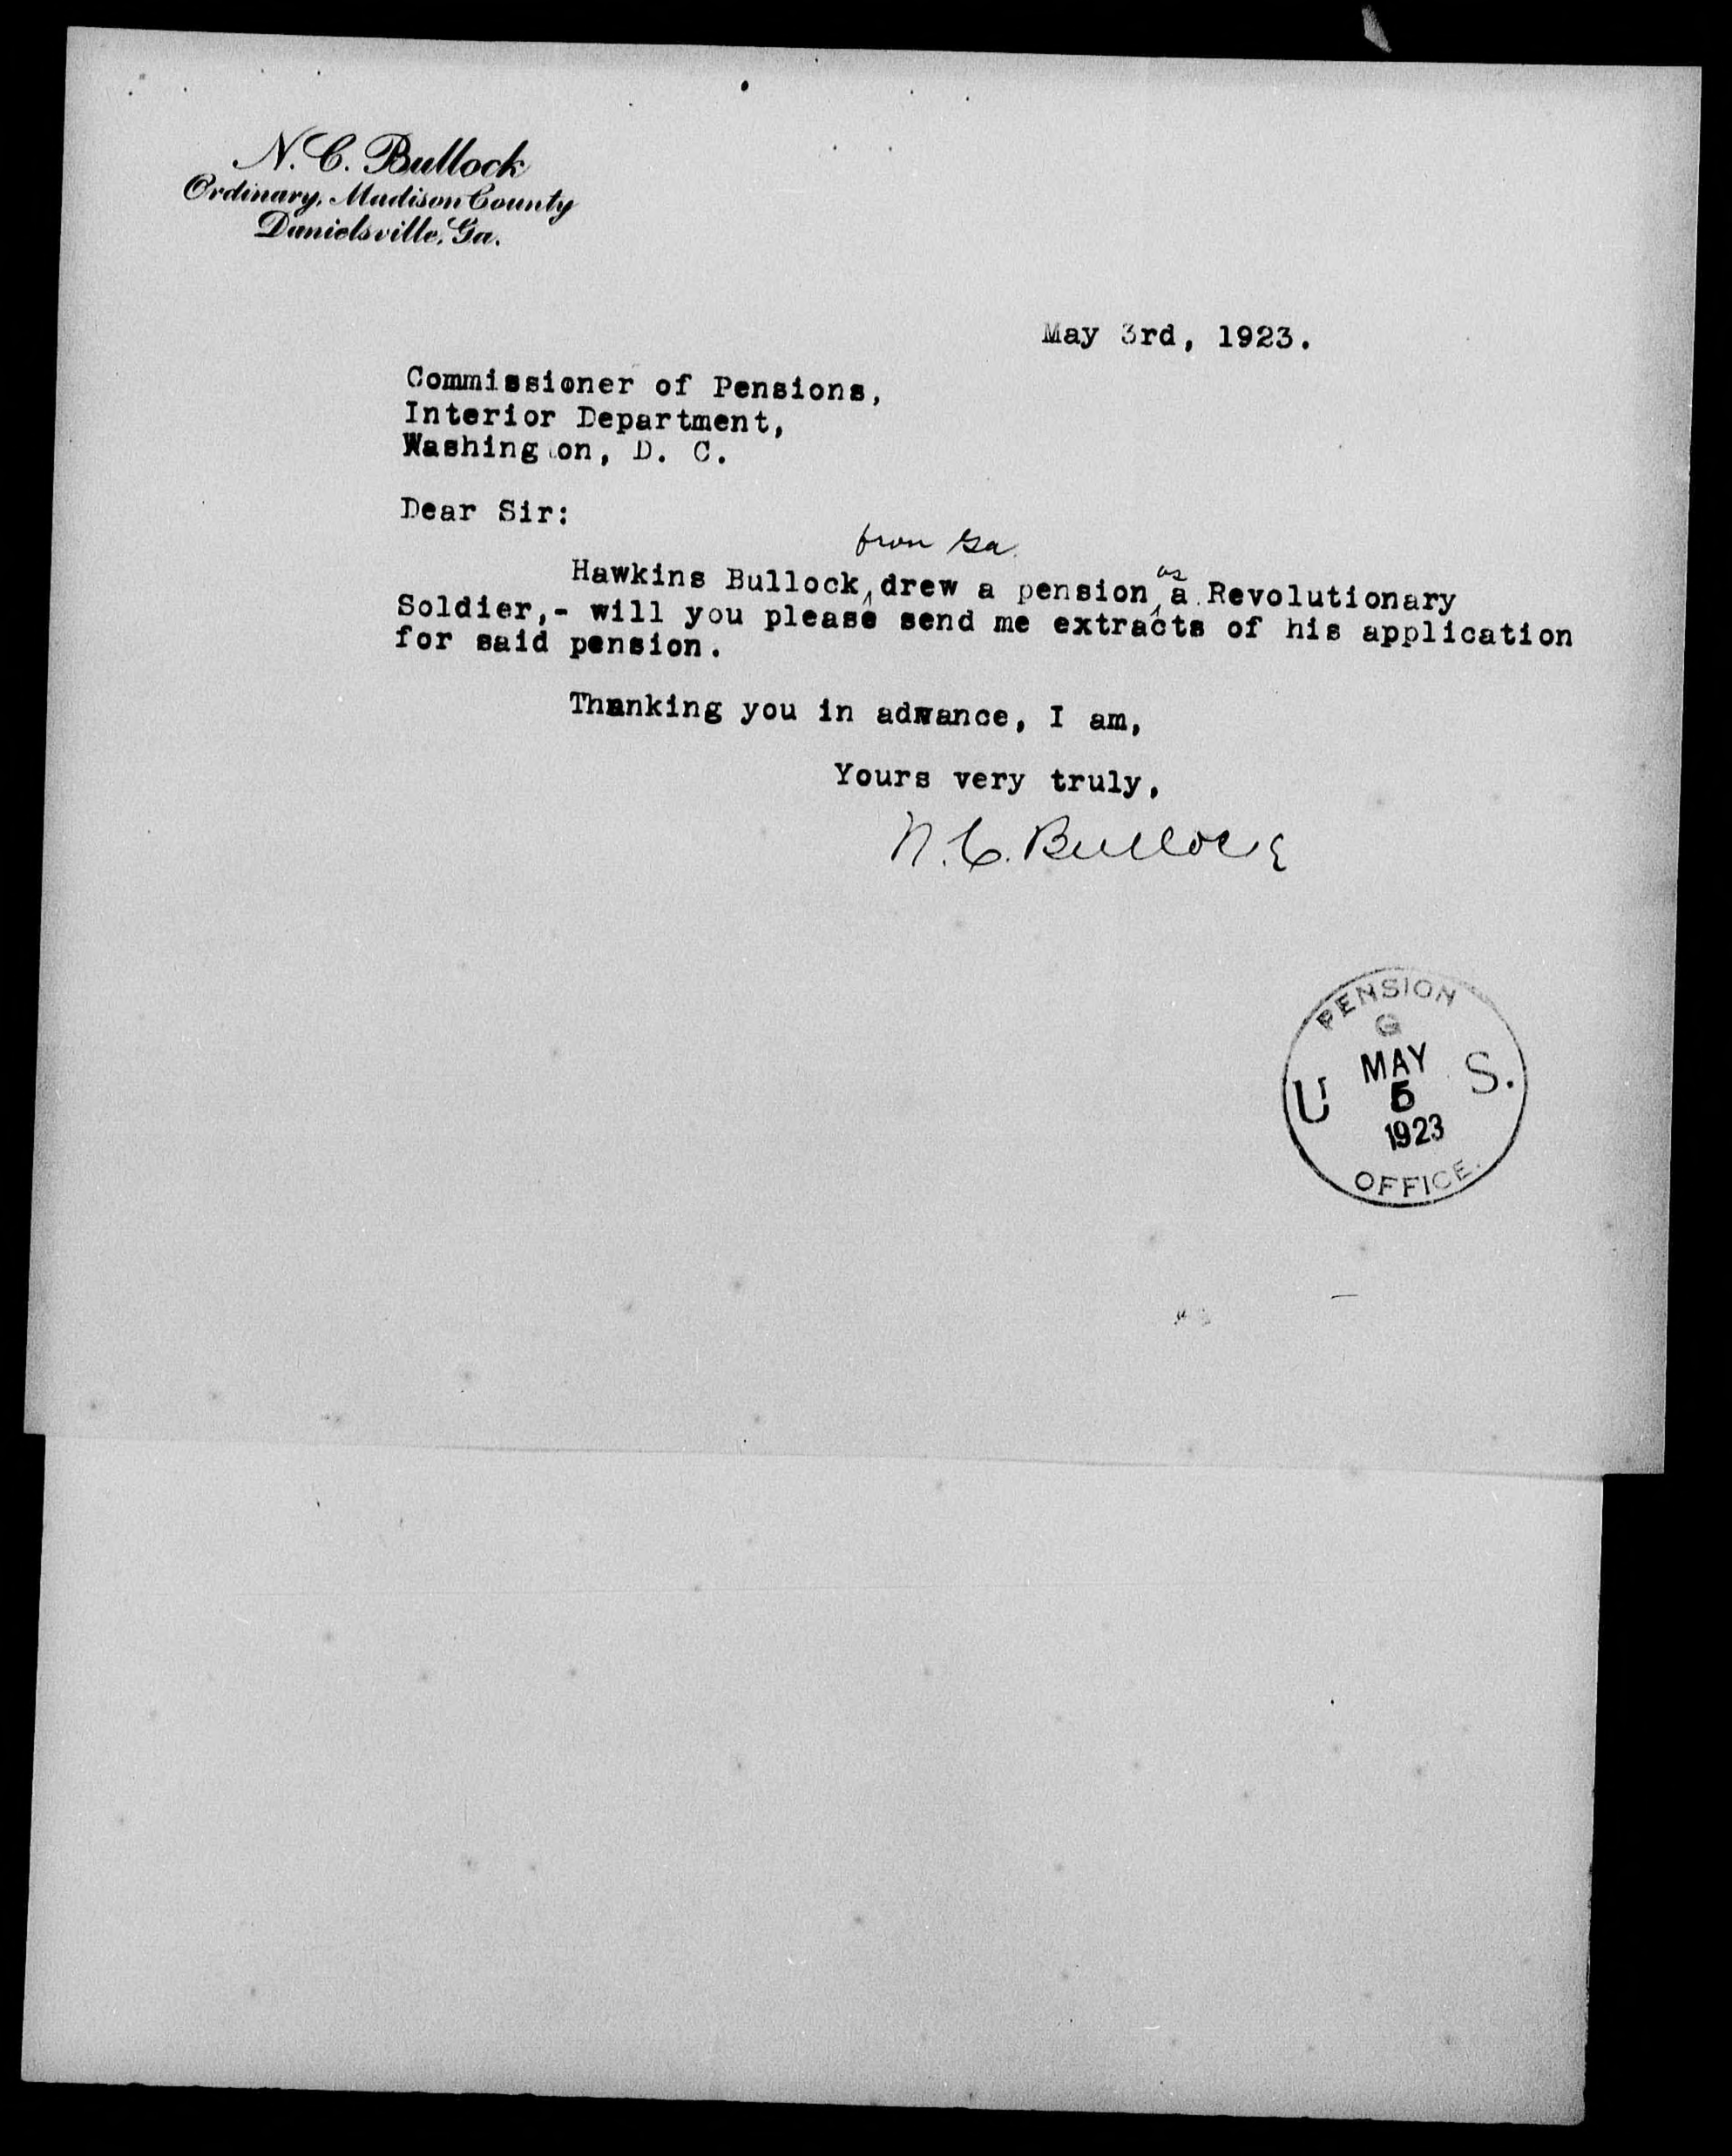N. C. Bullock
Ordinary, Madison County
Danielsville, Ga.

May 3rd, 1923.

Commissioner of Pensions,
Interior Department,
Washington, D. C.

Dear Sir:
Hawkins Bullock from Ga. drew a pension as a Revolutionary Soldier, will you please send me extracts of his application for said pension.
Thanking you in advance, I am,
Yours very truly,
N. C. Bullock

[stamp] U.S. PENSION OFFICE. G MAY 5 1923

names: N C Bullock, Hawkins Bullock, N C Bullock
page: 17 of 24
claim: survivor's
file: S. 31,586, Hawkins Bullock, S.C.